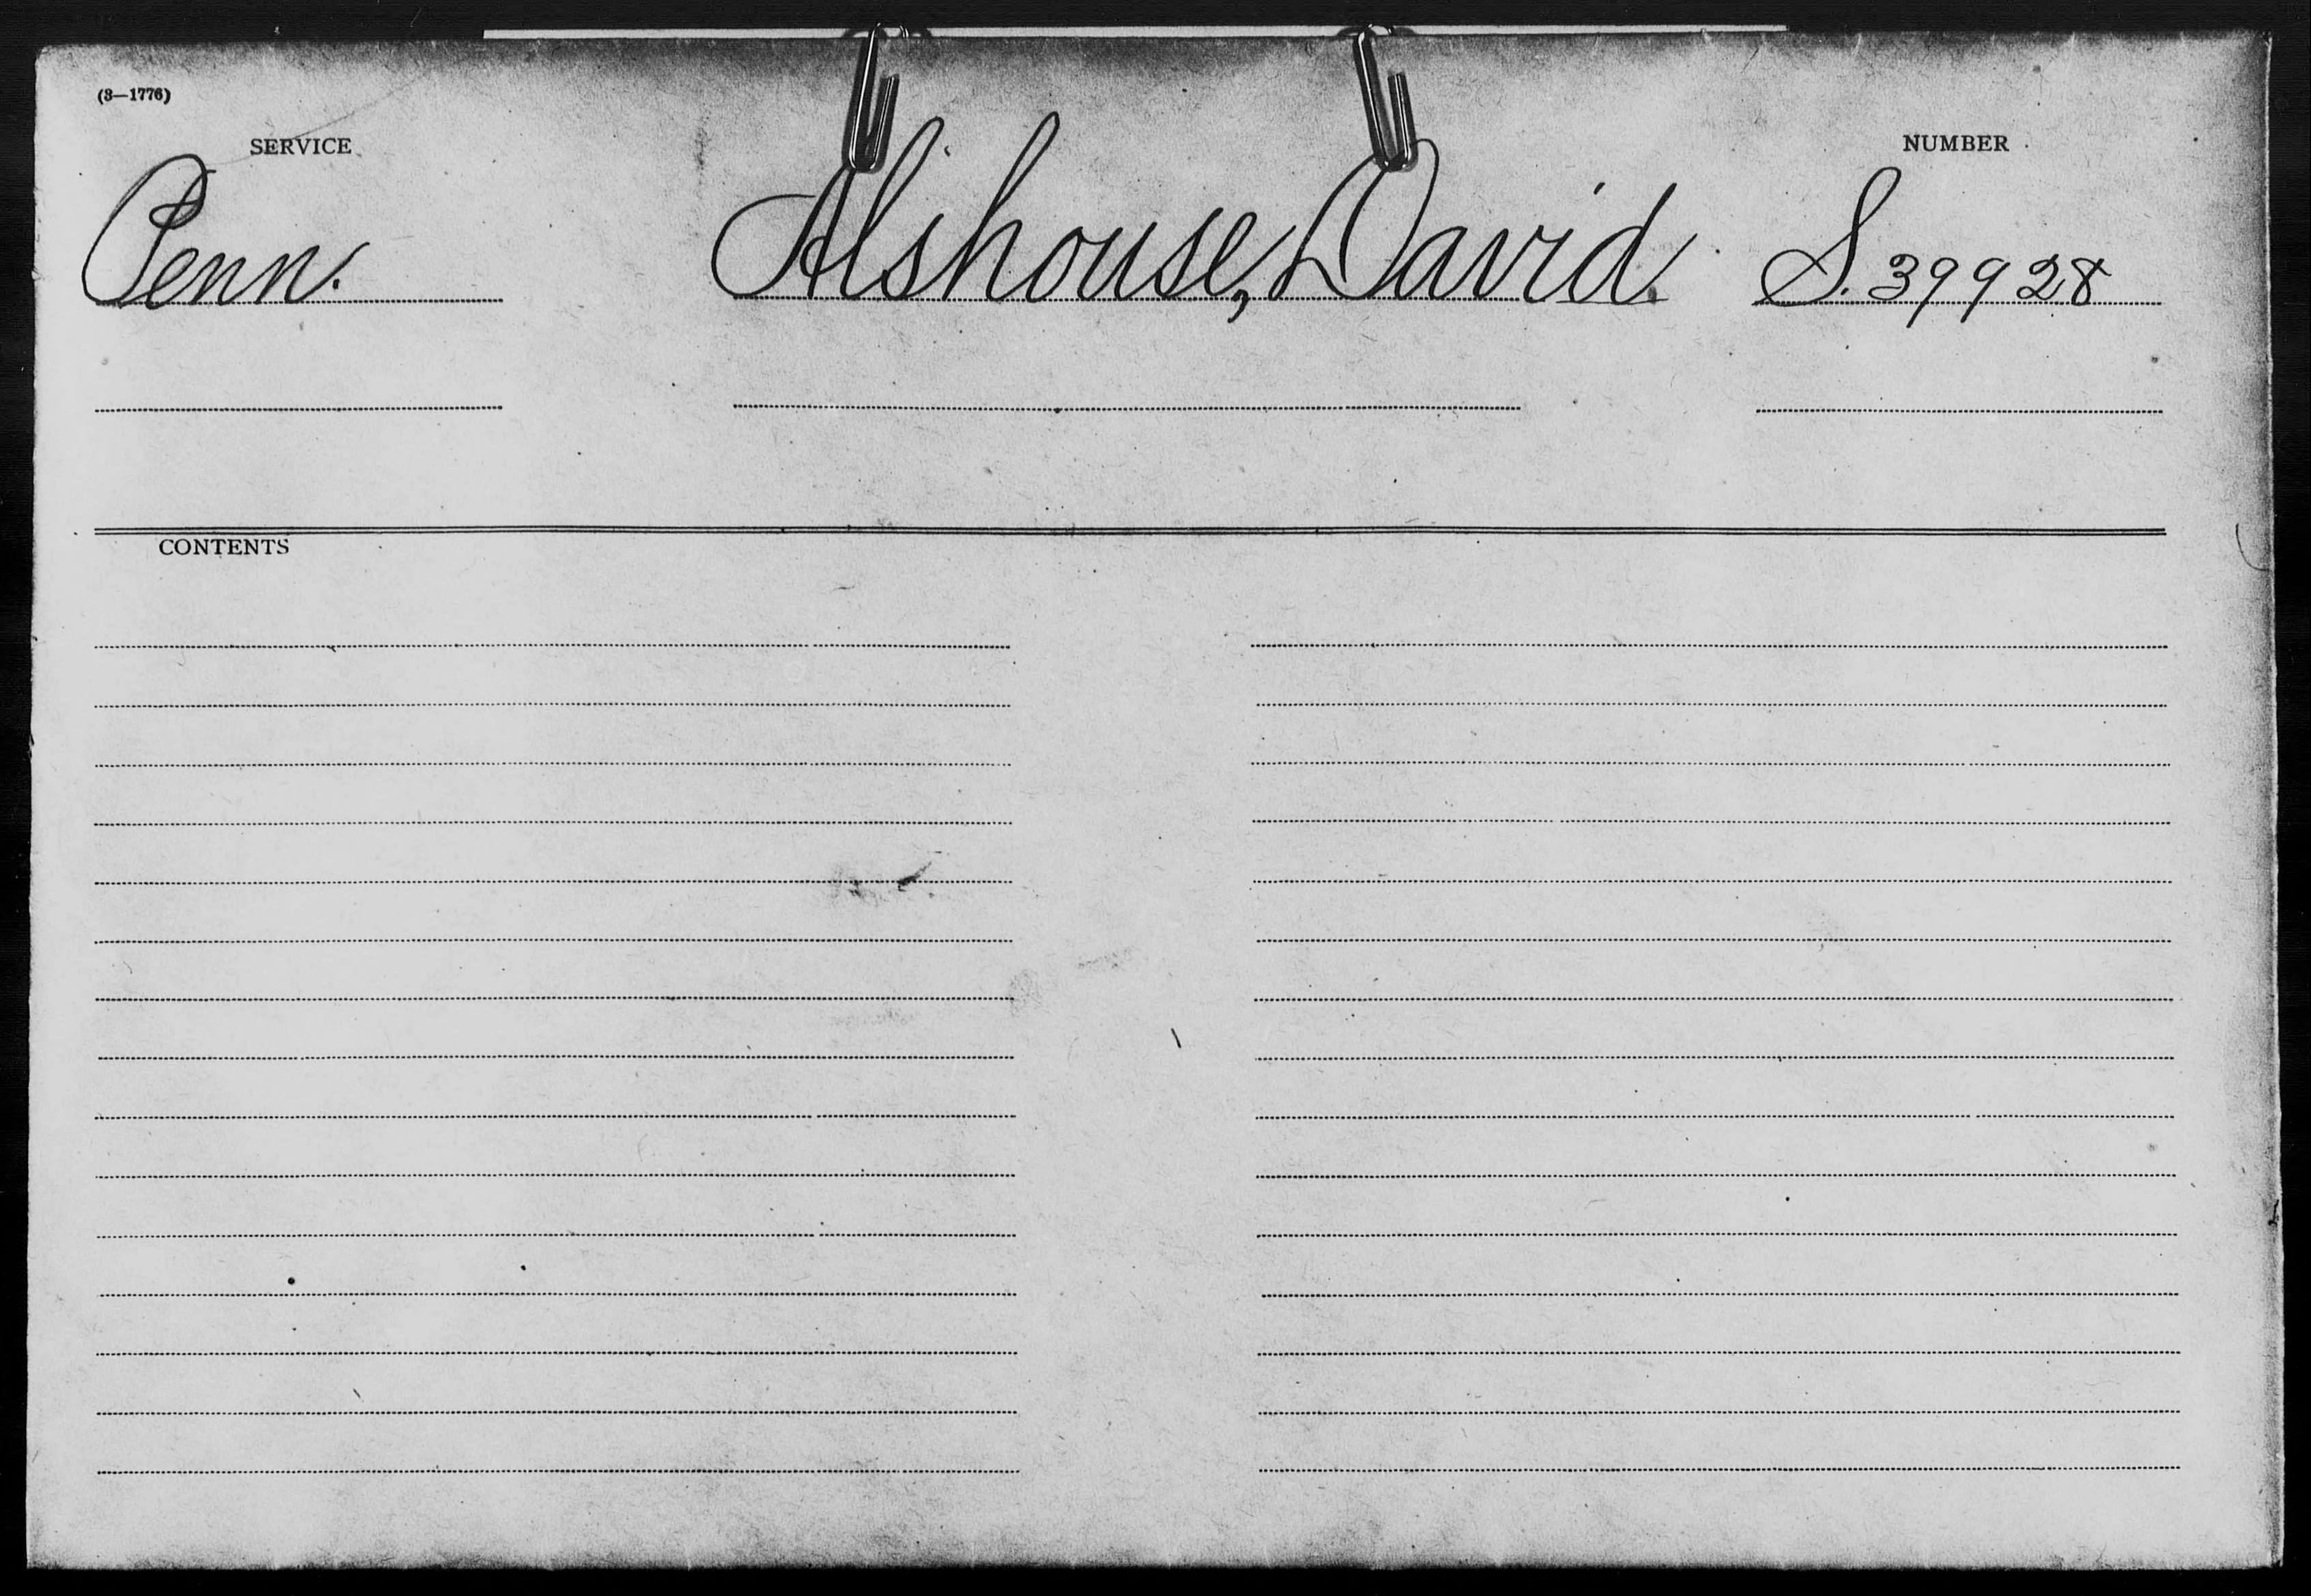(S-1776)

SERVICE NUMBER

Penn. Alshouse, David S.39928

CONTENTS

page: 1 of 17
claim: survivor's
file: S. 39928, David Alshouse, Penn.